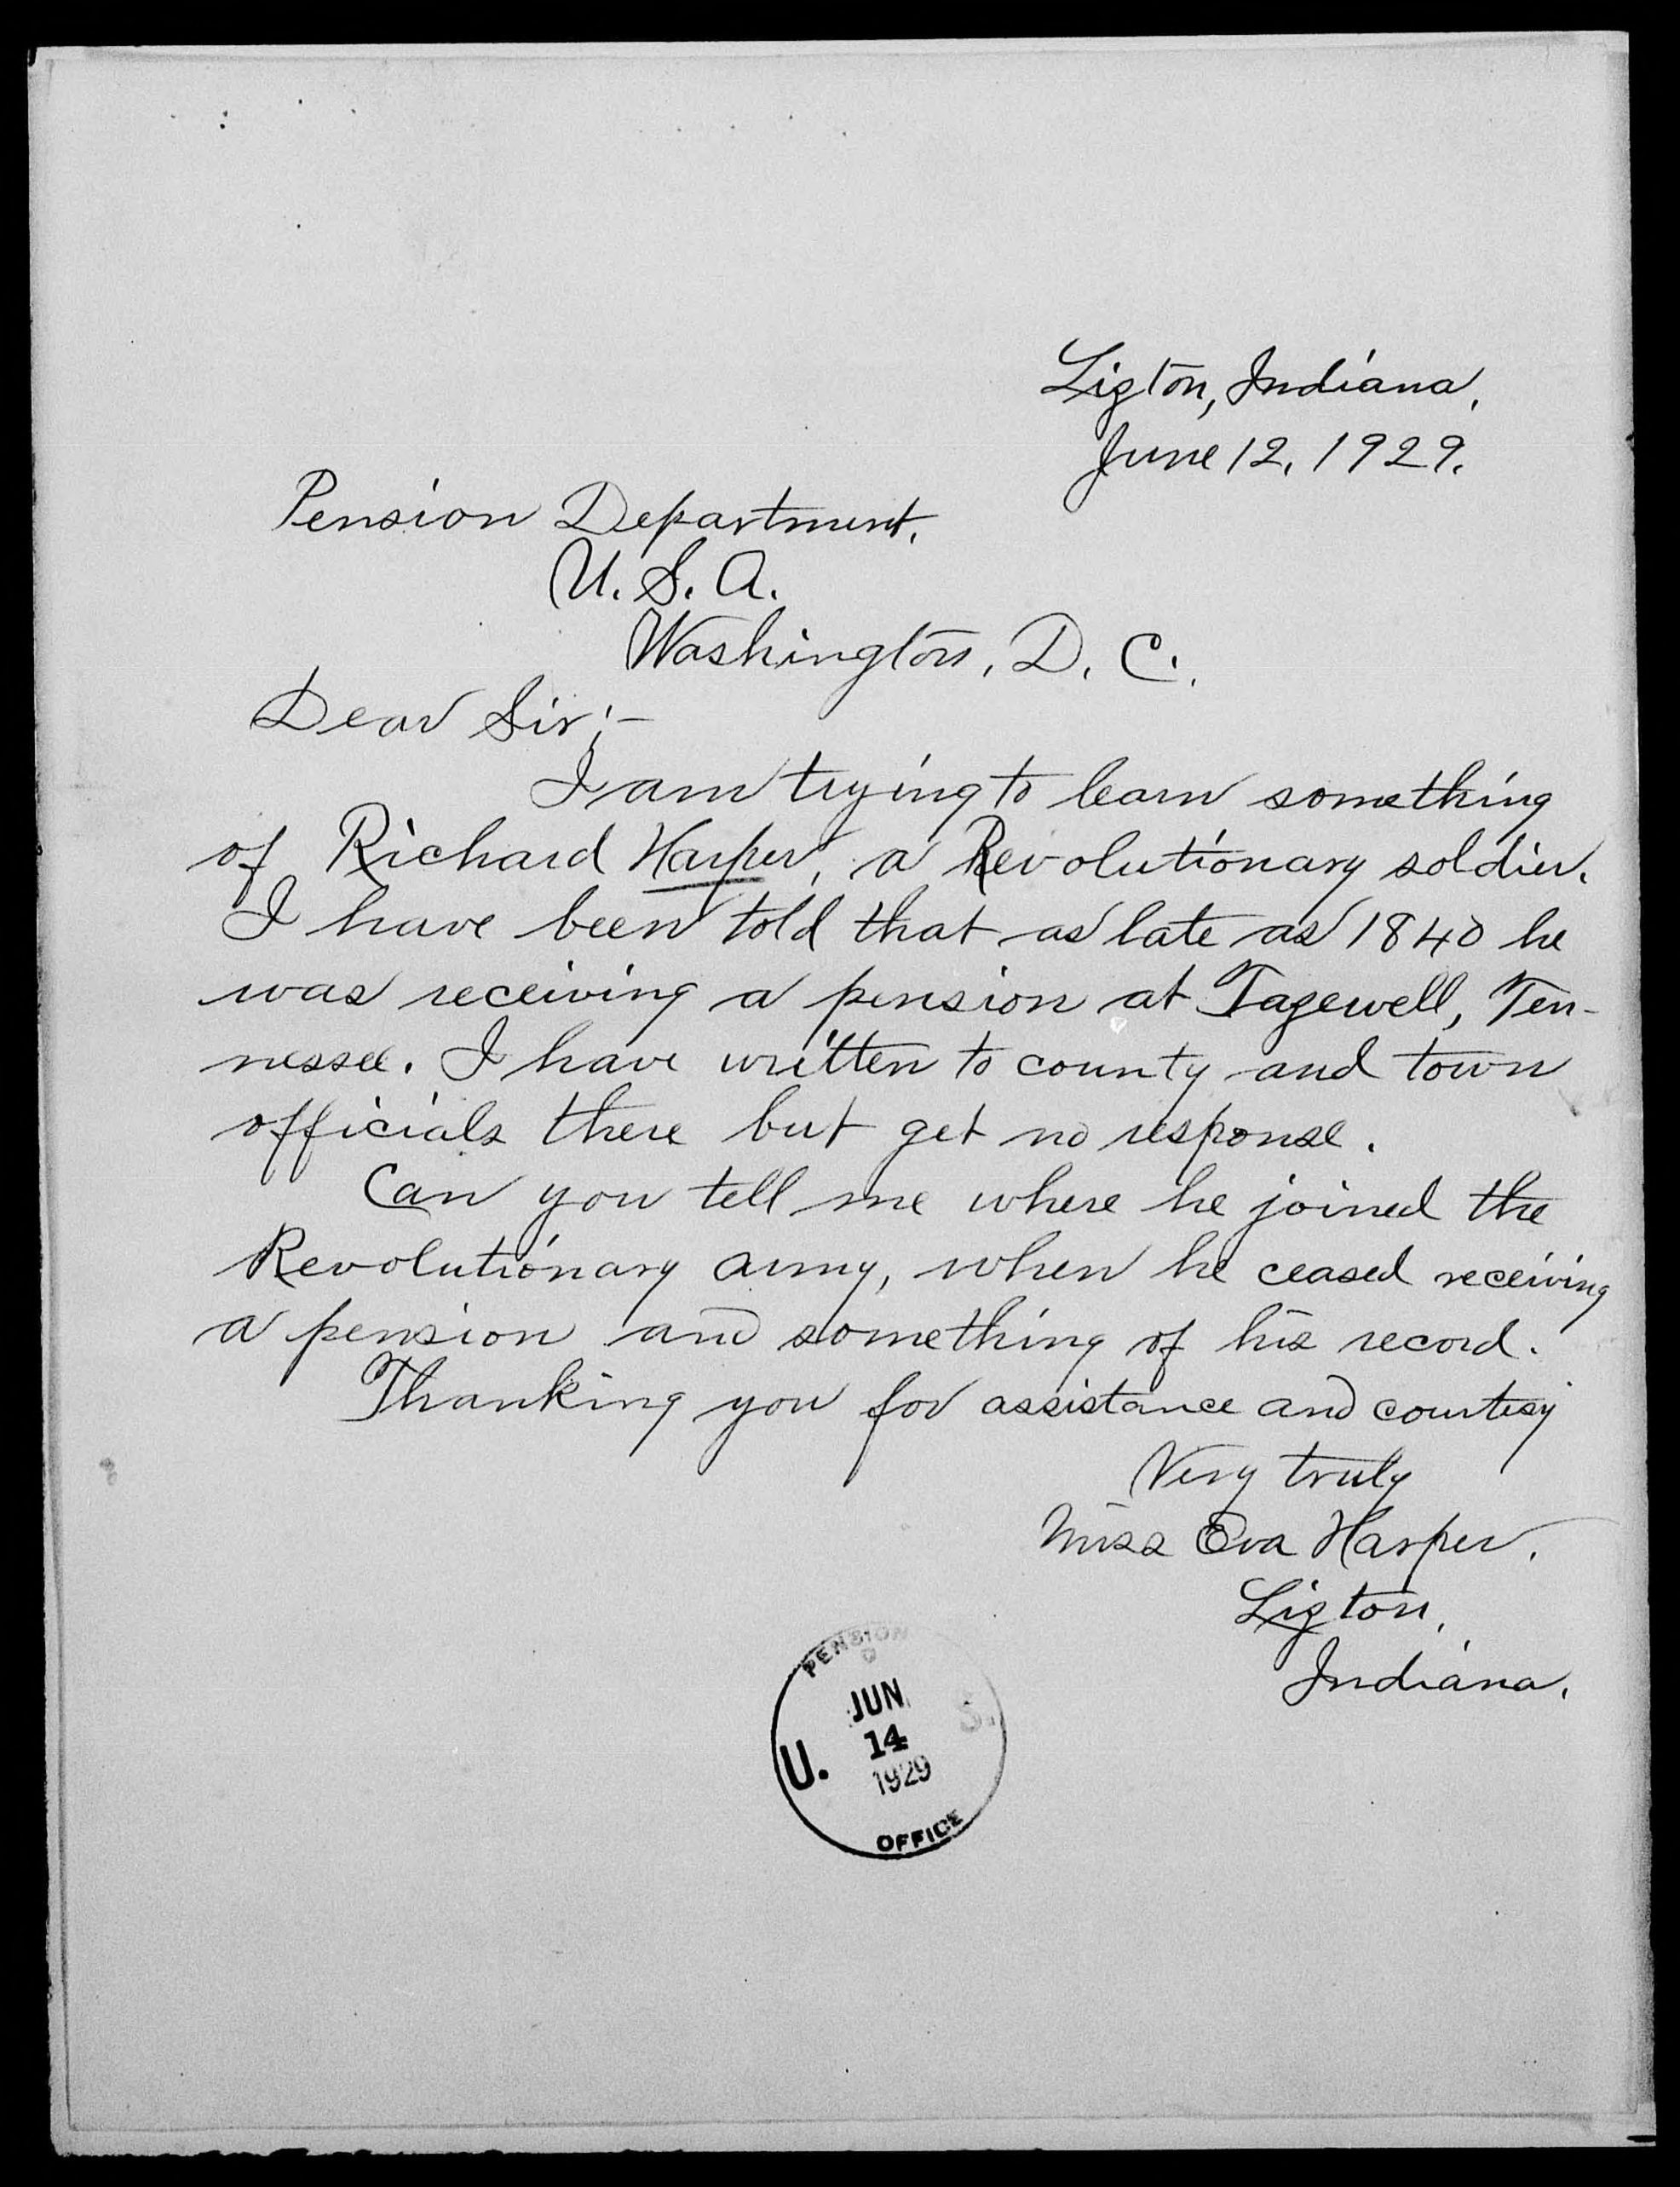Tipton, Indiana,
June 12, 1929.

Pension Department.
U.S.A.
Washington.D.C.

Dear Sir;-

I am trying to learn something of Richard Harper [underlined], a Revolutionary solider. I have been told that as late as 1840 he was receiving a pension at Fazewell, Ten-nessee. I have written to county and town officials there but get no response.

Can you tell me where he joined the Revolutionary army, when he ceased receiving a pension and something of his record[?]

Thanking you for assistance and courtesy.

Very truly,

Miss Eva Harper,

Tipton, Indiana

[stamped at bottom]:

Pension
Jun 14 1929
U.S. Office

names: Eva Harper, Richard Harper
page: 43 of 81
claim: survivor's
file: S. 1908, Richard Harper, N.C.